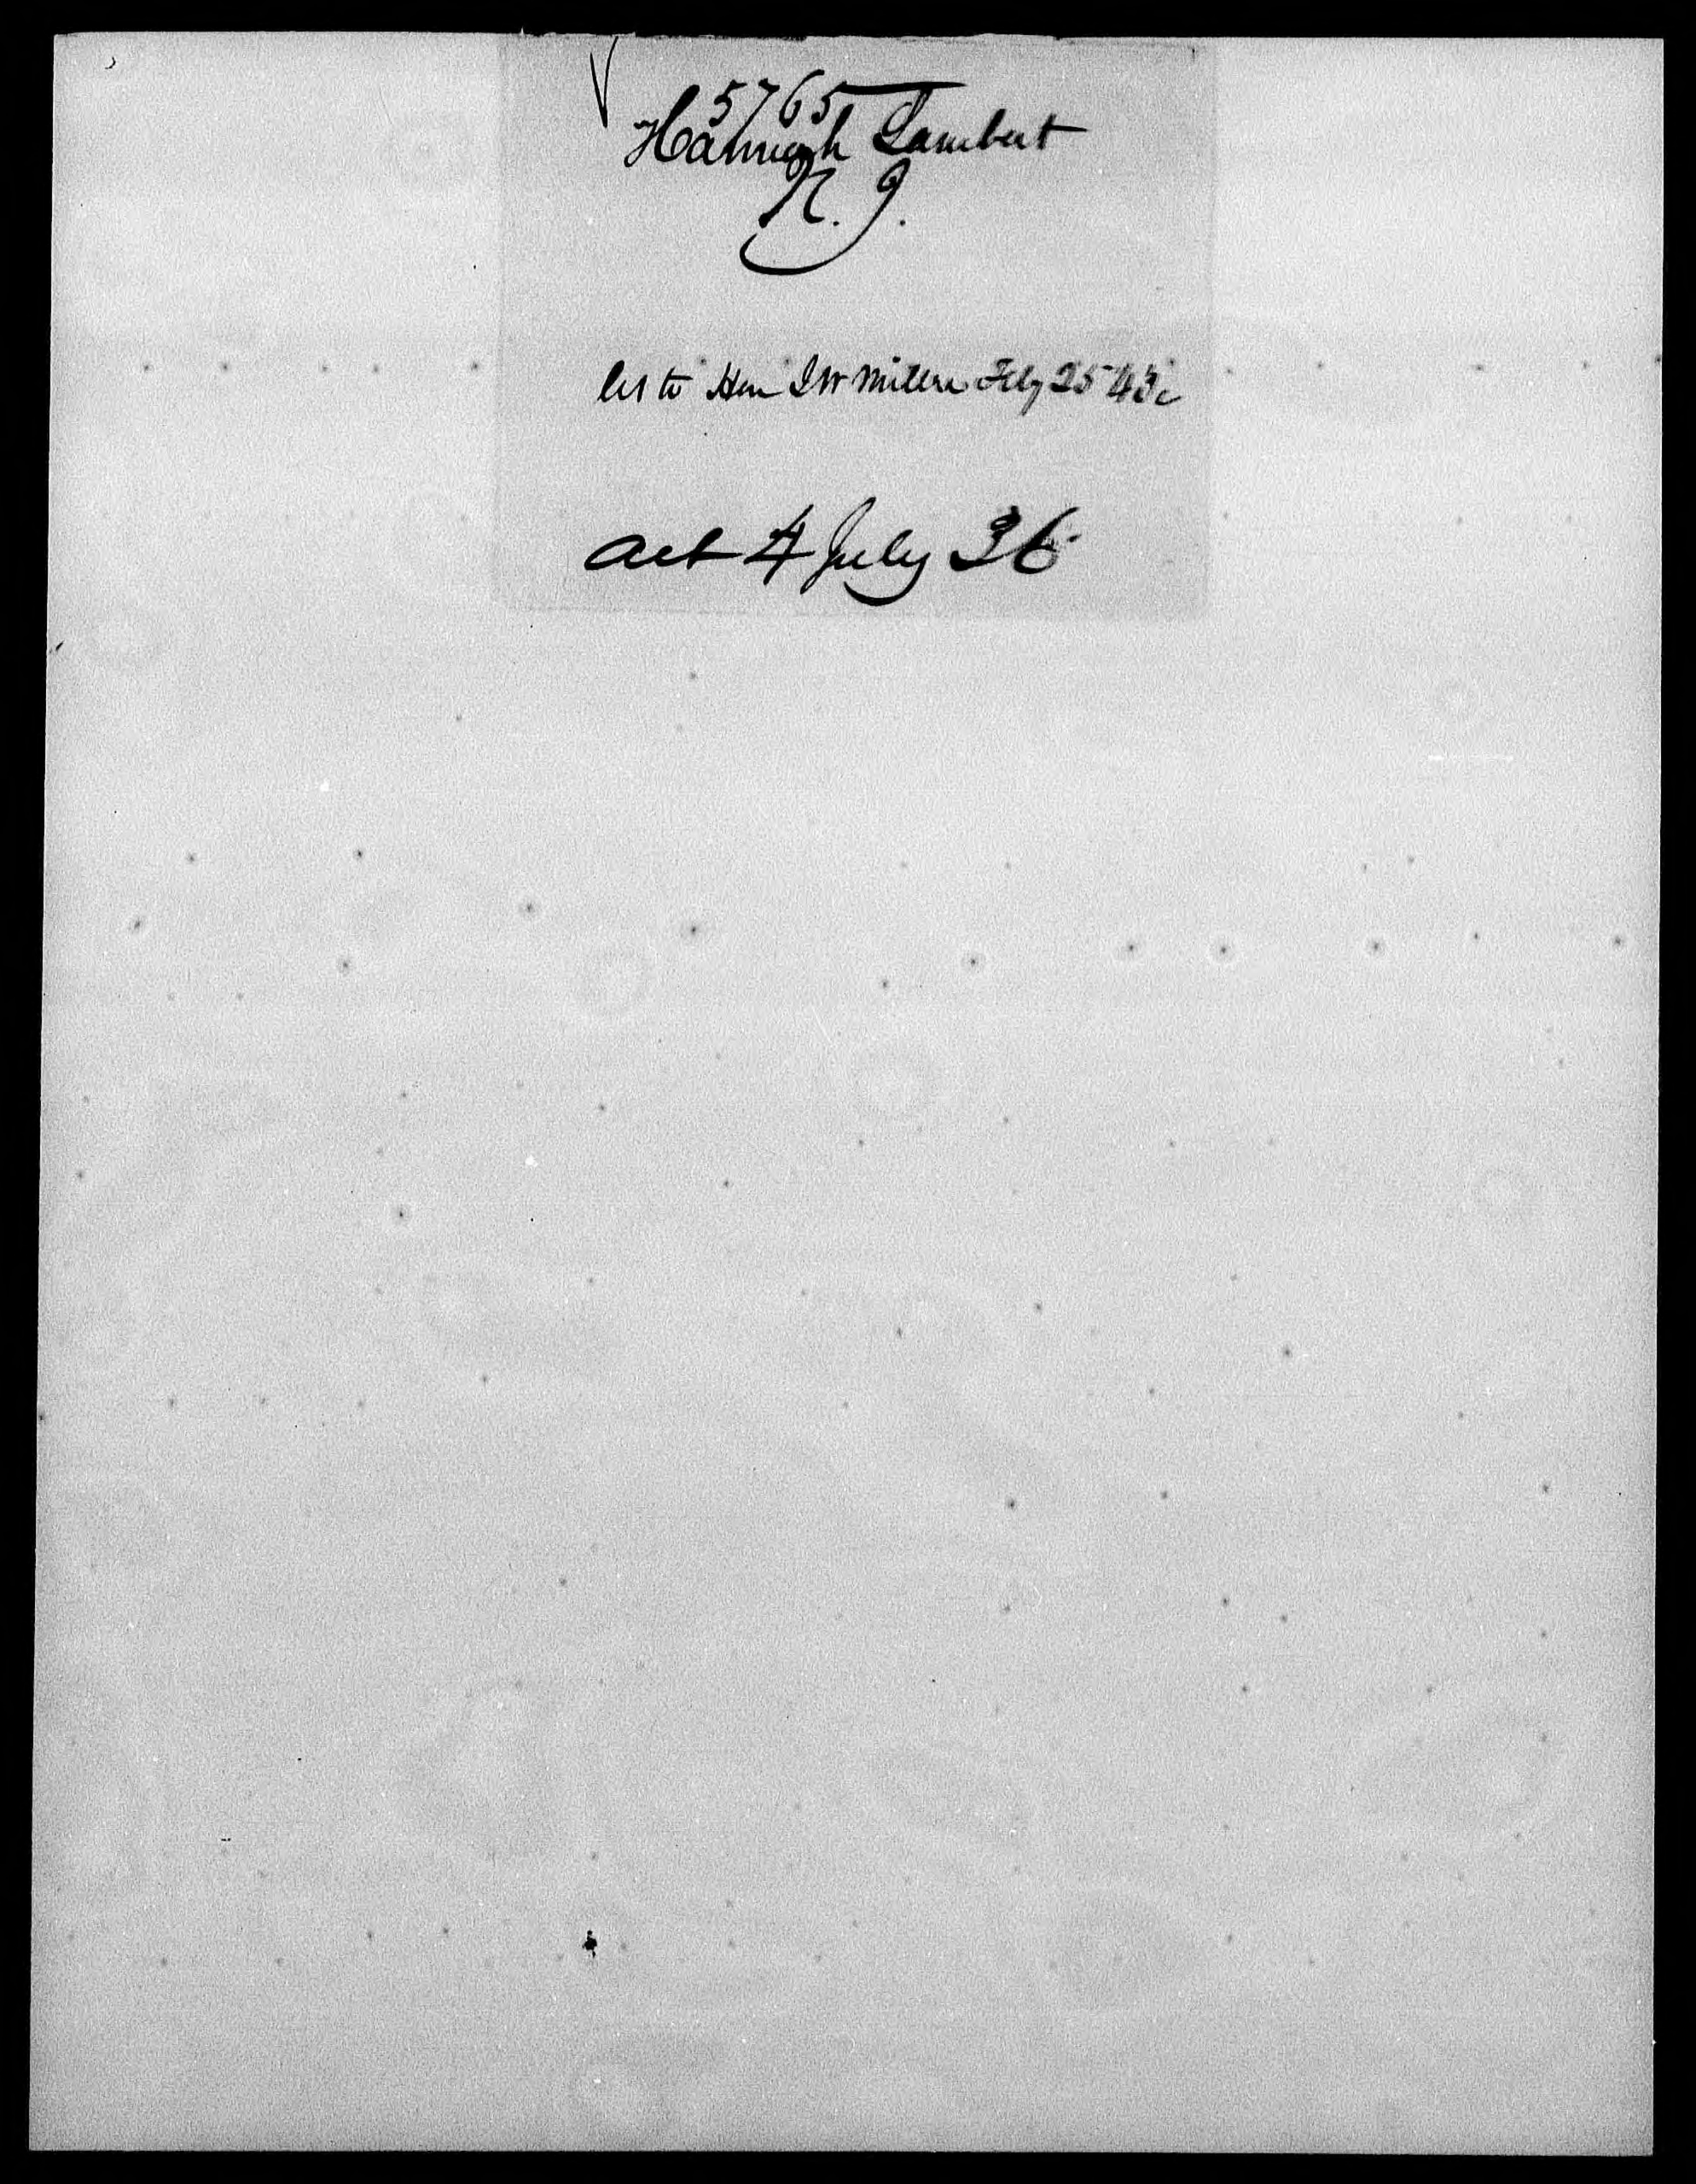5765
Hannah Lambert
N. J.
let to "hon" J W Miller Feby 24, 43

Act 4 July 36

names: Hannah Lambert; J W Miller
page: 33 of 49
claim: widow's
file: W. 859, for James Lambert, New Jersey